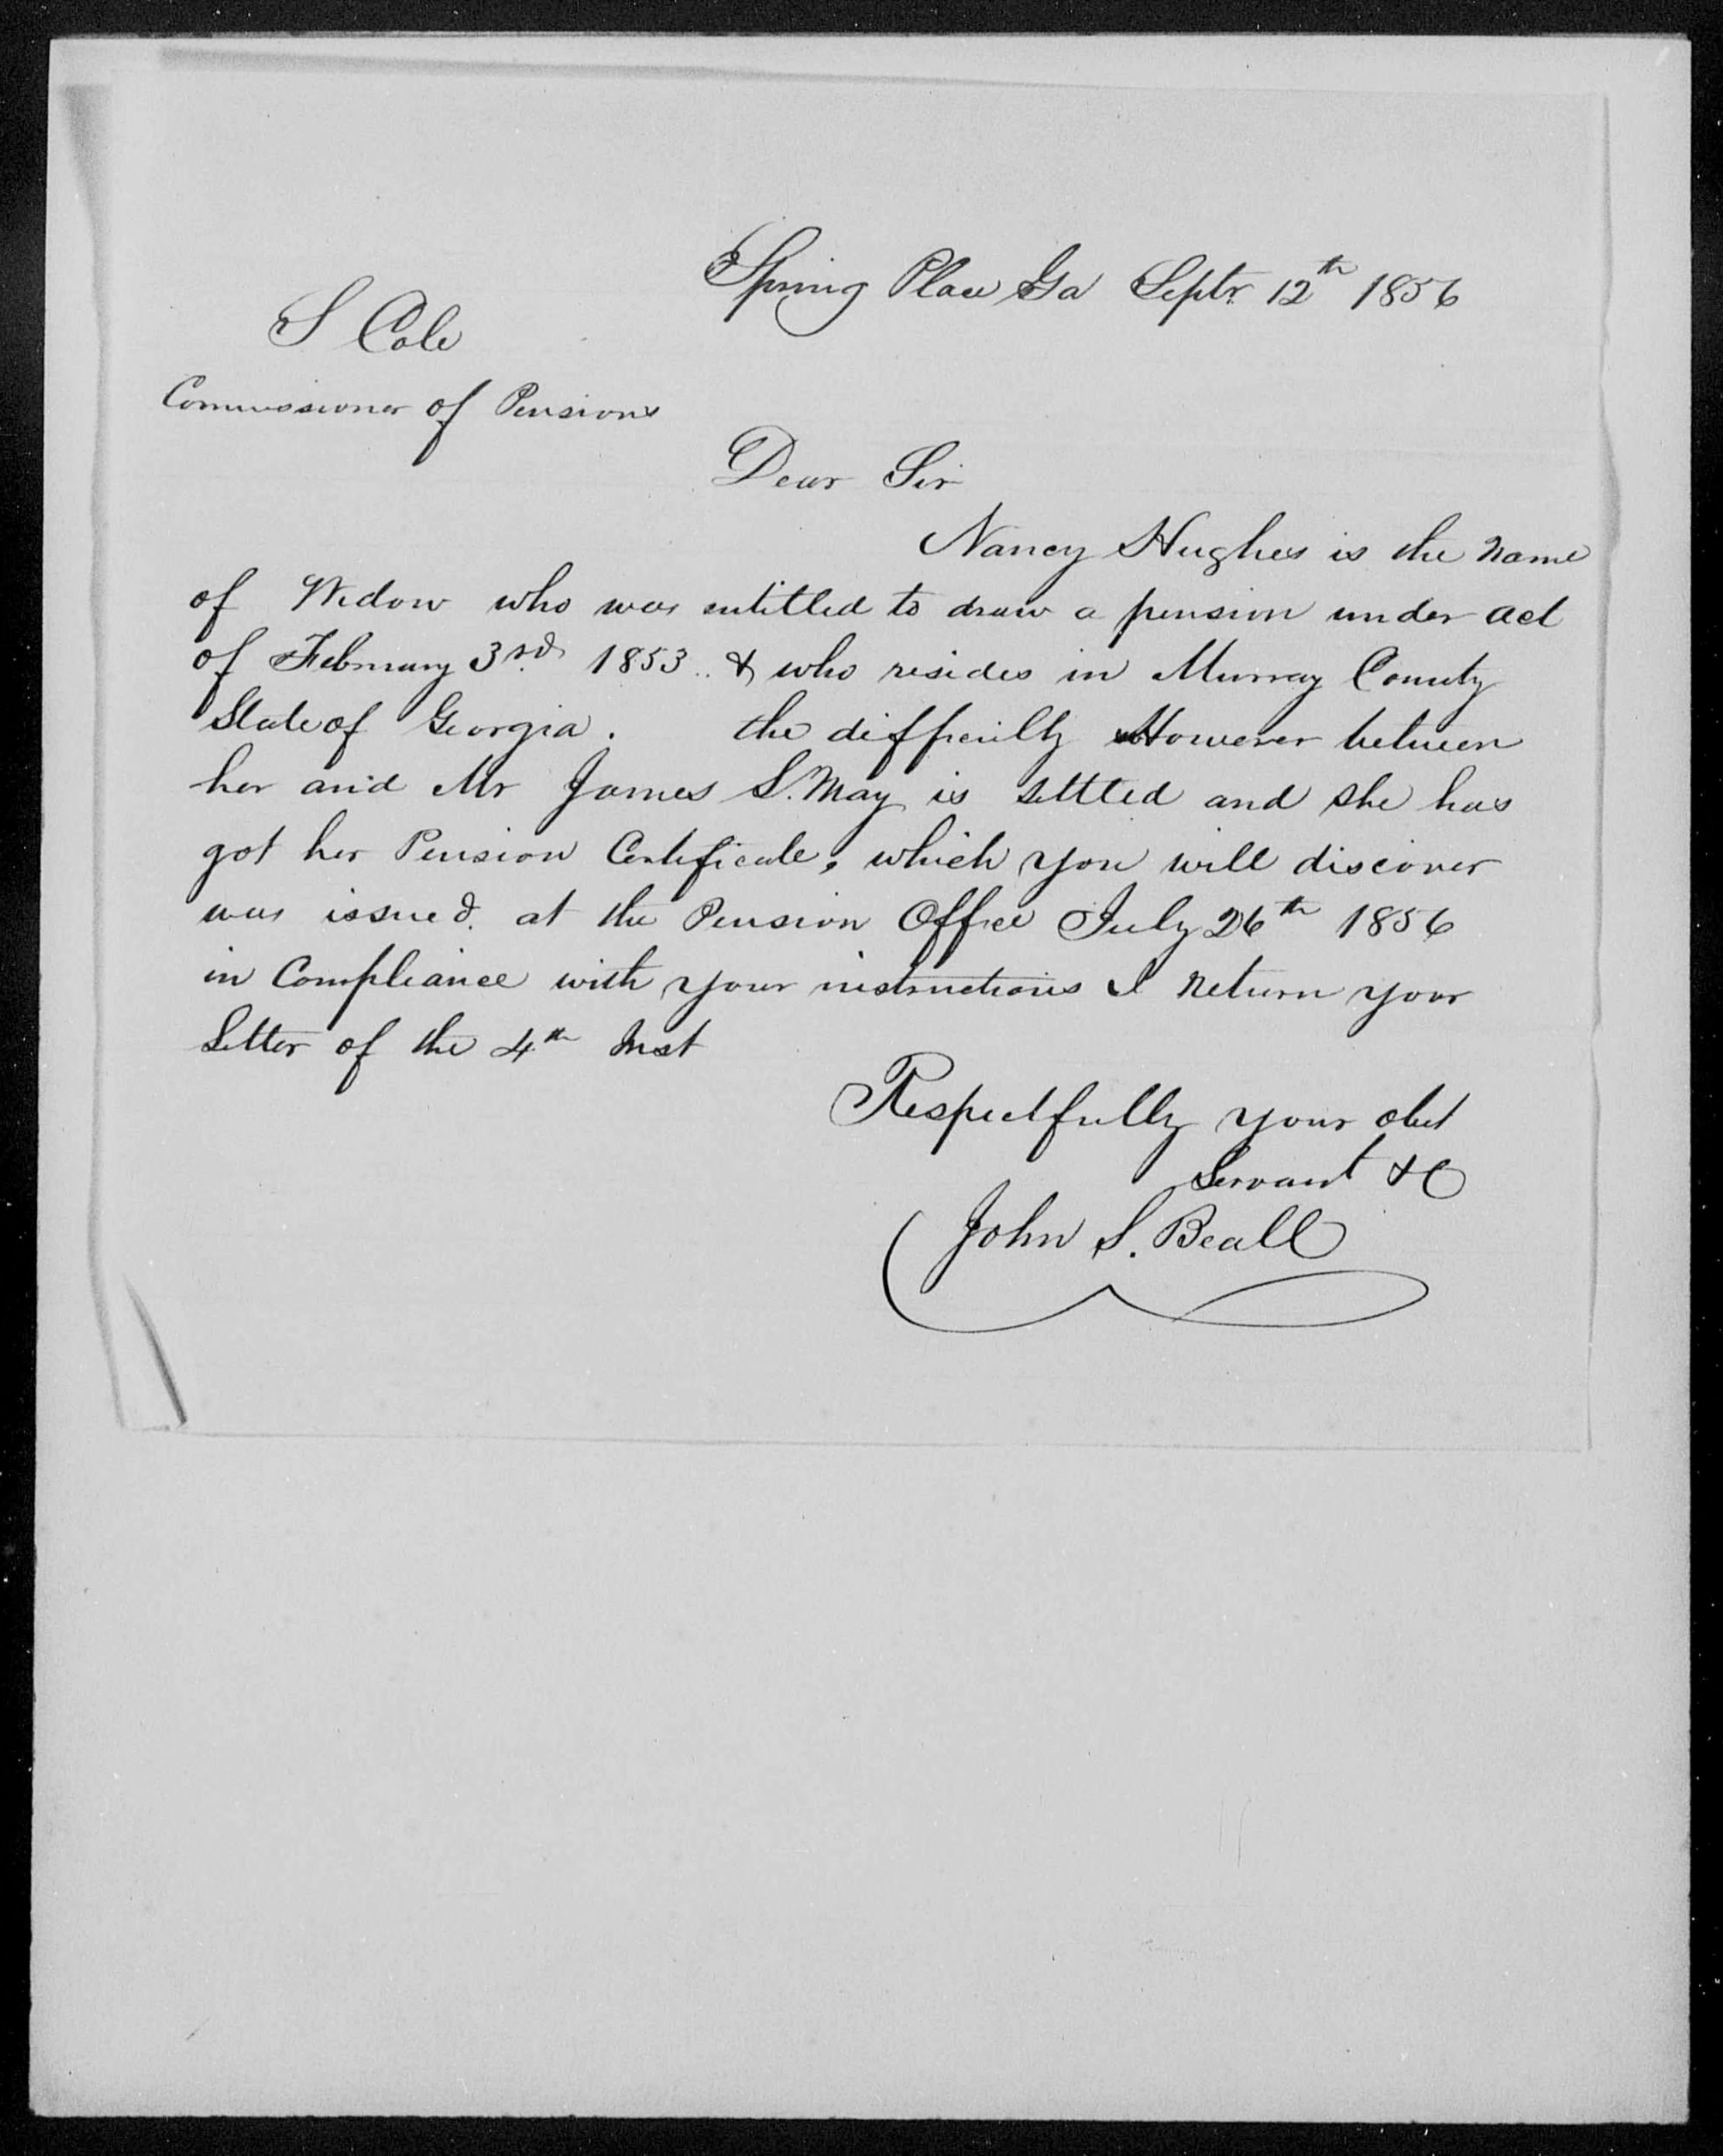Spring Place Ga Sept. 12th 1856
I Cole 
Comminssioner of Pensions 

 Dear Sir 
Nancy Hughes is the name of widow who was entitled to draw a pension under act of February 3rd 1853 and who resides in [illeglible] County State of Georgia. the difficulty however between her and Mr. James S. May is settled and she has got her Pension certificate, which you will discover was issued at the Pension office July 26th 1856 in compliance with your [illegible] I return your letter of the 4th Inst

Respectfully yours [illegible]
                     servant +o
John S. Beall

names: John S Beall, Nancy Hughes, S Cole, James S May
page: 50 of 75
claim: widow's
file: W. 25805, Andrew Hughes, N.C.